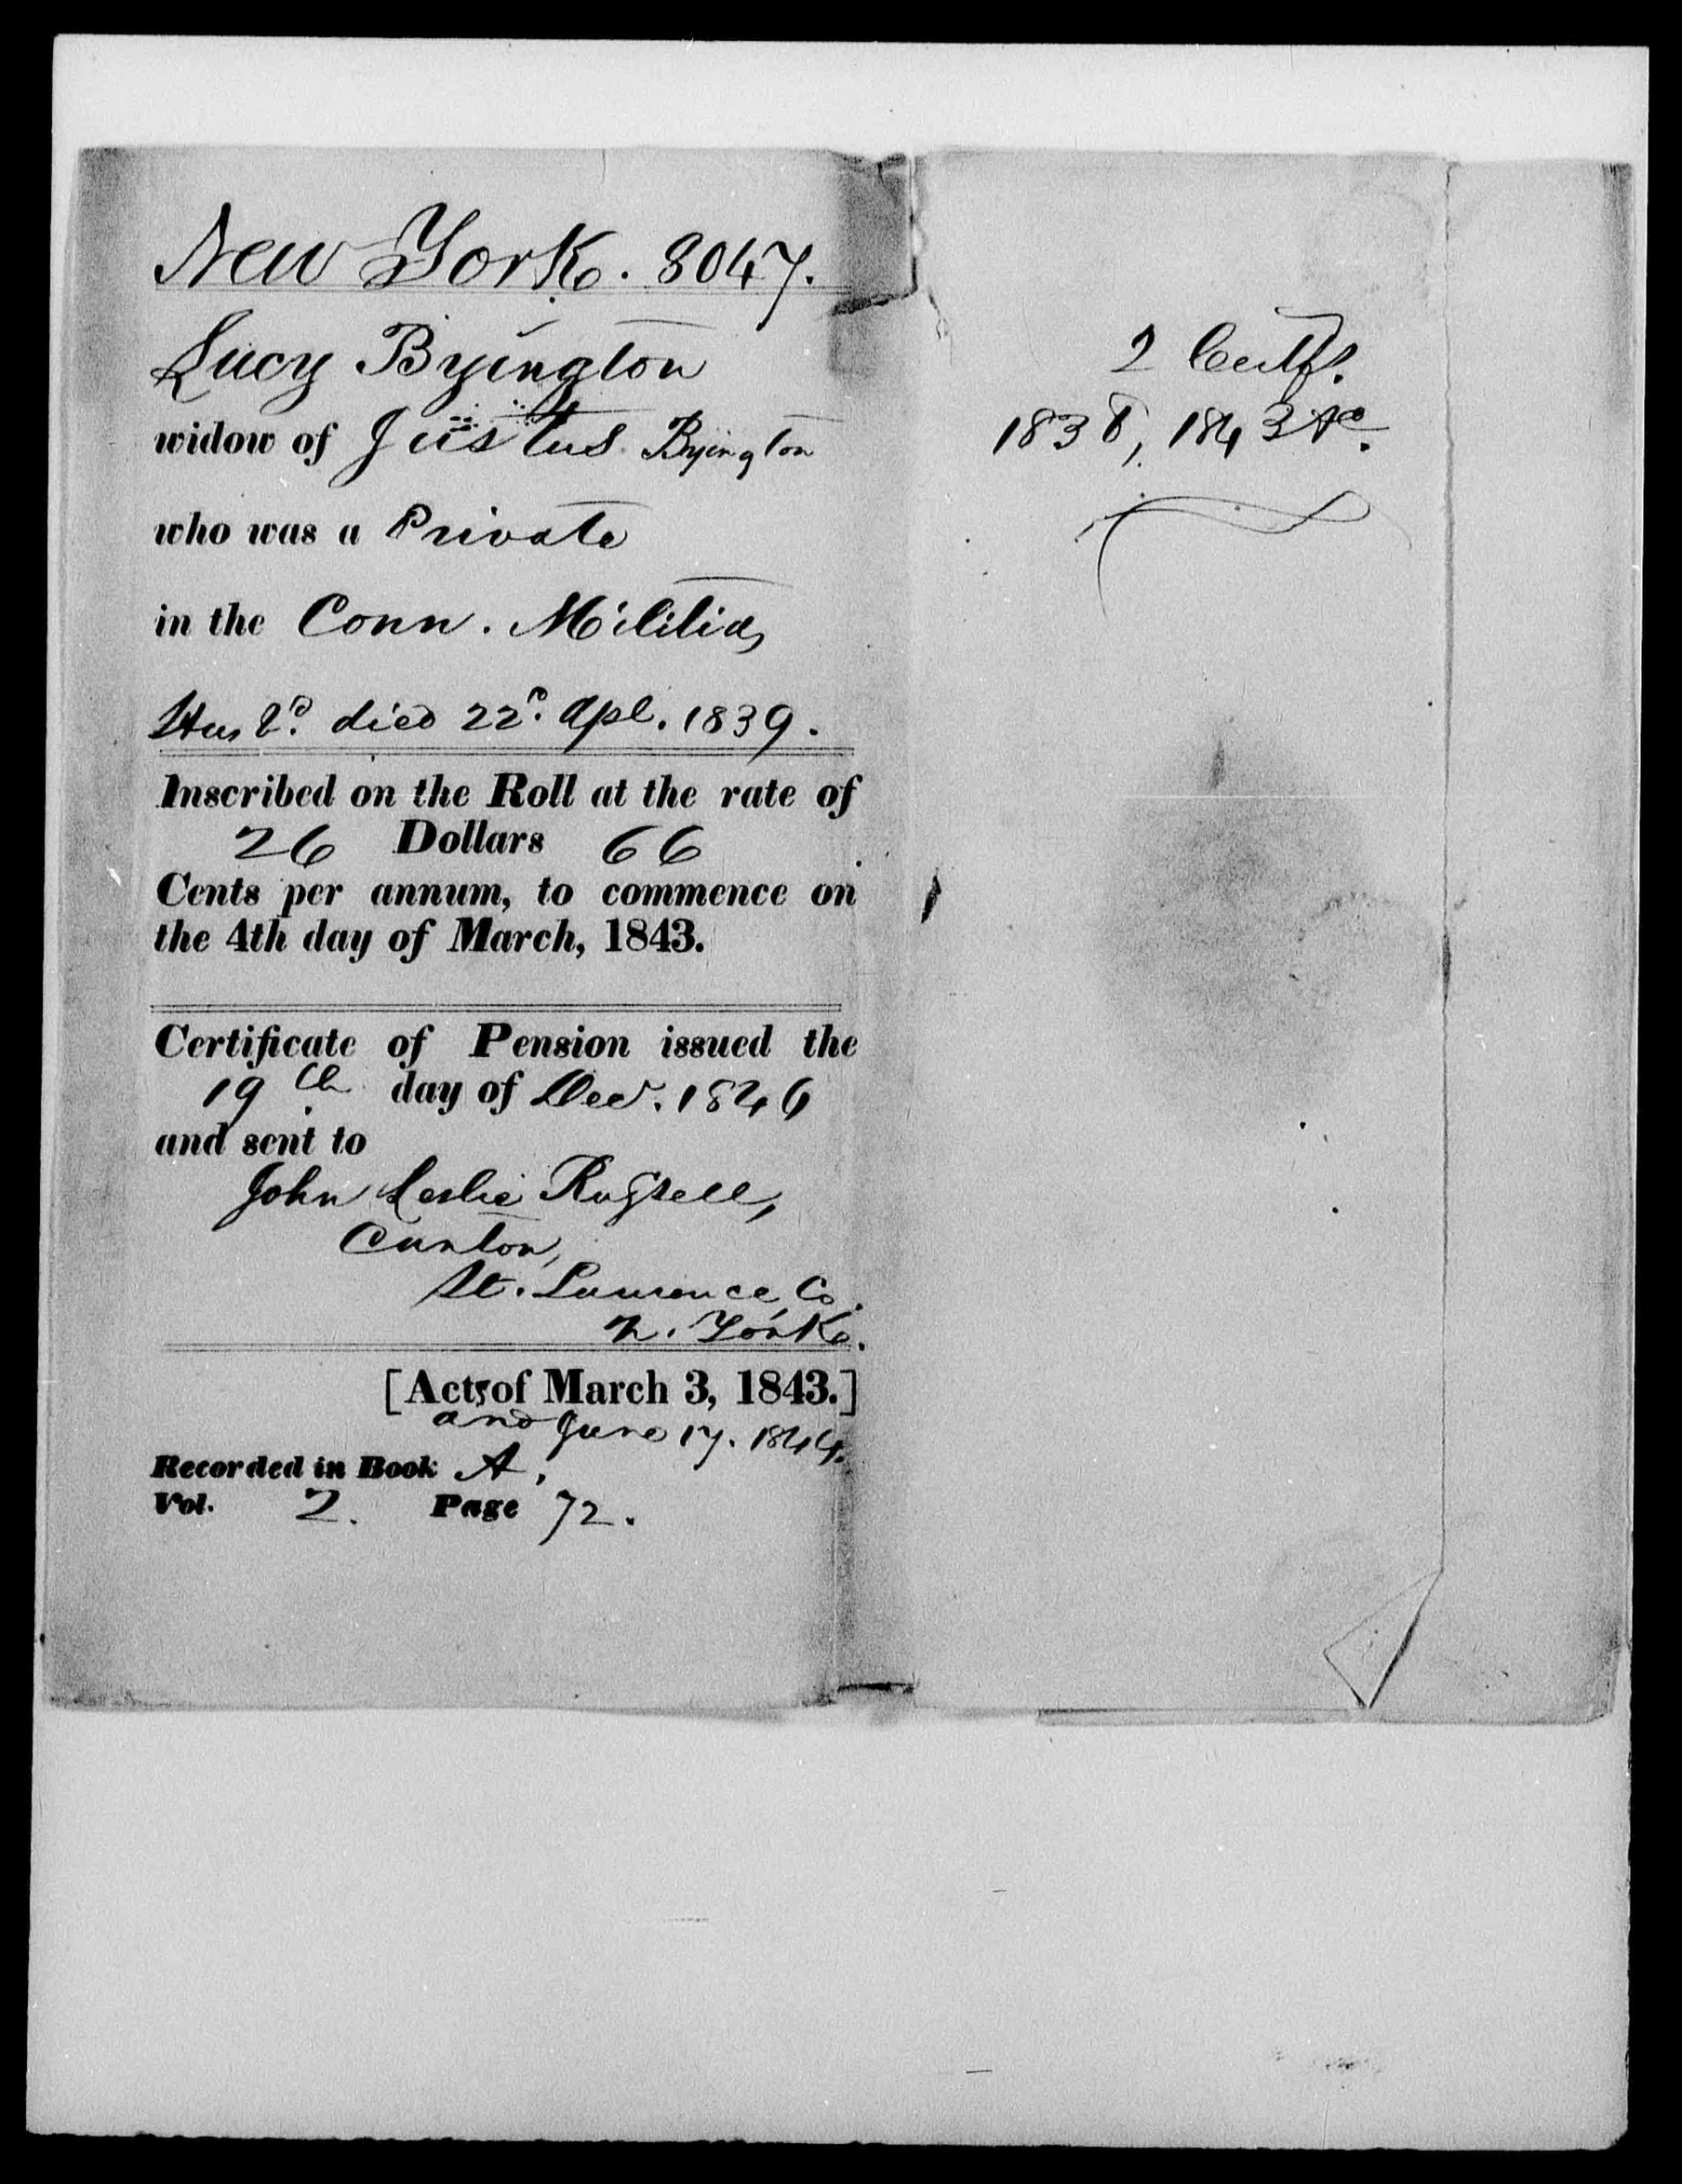New York 8047
===================
Lucy Byington
widow of Justus Byington
who was a private 
in the Conn. Militia
Husbd died 22d Apl 1839
=========================
Inscribed on the Roll at the rate of
26 Dollars 66
Cents per annum, to commence on
the 4th day of March, 1843.
========================
Certificate of Pension issued the
19th day of Dec. 1846
and sent to 
John Leslie Russell
Canton,
St. Lawrence Co.
N. York
============
[Acts of March 3,1843.]
and June 17, 1844

Recorded in Book A.
Vol. 2 Page 72

opposing page
2 certifs
1838, 1843AC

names: Justus Byington, Lucy Byington, John Leslie Russell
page: 19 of 79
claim: widow's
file: W. 23754, Justus Byington, Conn.